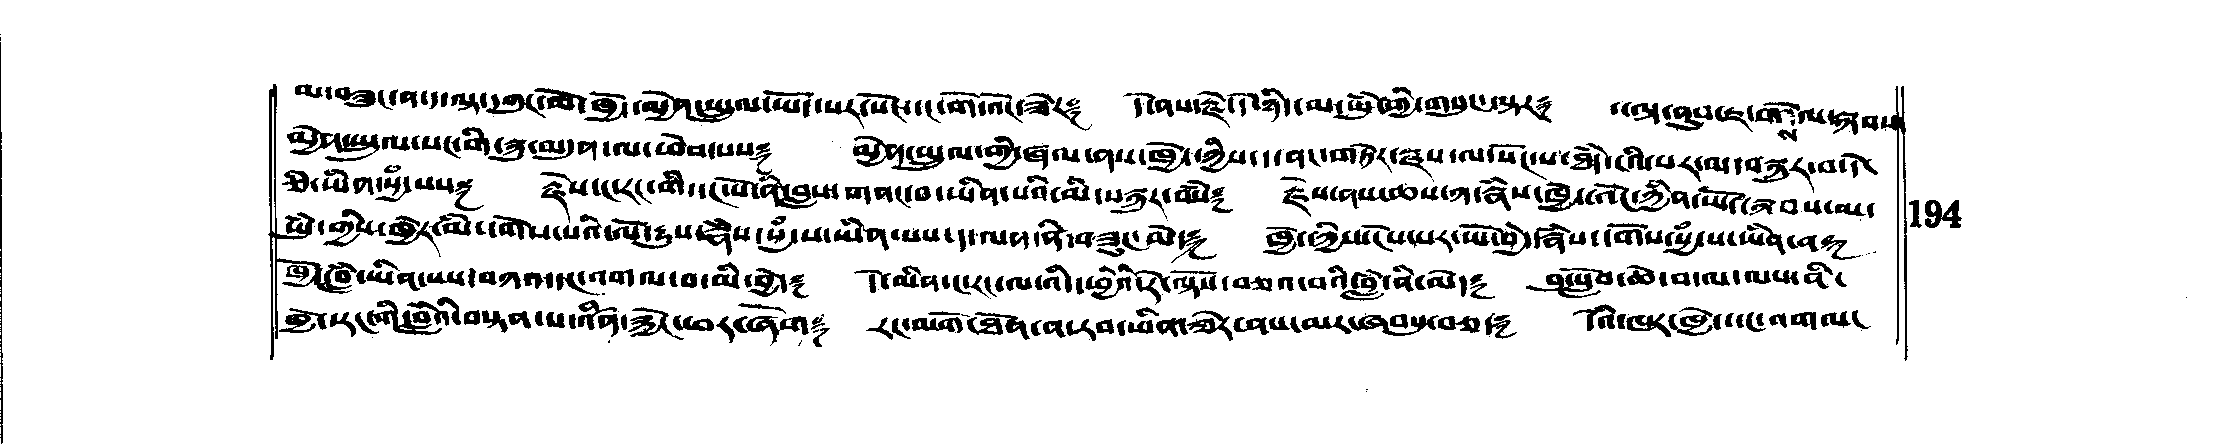མ་བཟུང་ན་ད་ལྟ་དགུང་མོ་ཁྱོད་མཁྱེན་སྤྲུལ་ཡོད་སར་སོང་དང་གོ་འོང་ཟེར། དེ་ནས་རྗེ་དེ་ཉིད་མ་ཡུམ་གྱི་གསུང་ལྟར། ད་ལྟ་ནུབ་ཇ་གསོལ་སྐབས་
མཁྱེན་སྤྲུལ་སང་གི་སྐུ་མདུན་ལ་ཕེབས་པས།མཁྱེན་སྤྲུལ་གྱི་ཞལ་ནས་ཁྱོད་ཀྱིས་ད་ནངས་གཏེར་རྫས་ལ་སོགས་པ་ཐམས་ཅད་ངའི་སར་ལ་བསྐུར་བ་དེ་
ཅི་ཡིན་གསུངས་པས། རྗེས་ང་རང་གི་དང་པོ་ནི་བླ་མས་གནང་བ་ཡིན་པའི་མི་བསྐུར་བསམ། རྗེས་ནས་ཆས་ཀ་རྣམས་ཁྱེར་འོང་གྱིན་ཡོད་སྐབས་མ་
ཡུམ་གྱིས་ཁྱེར་མི་དགོས་པའི་ལོ་རྒྱུས་རྣམས་གསུངས་པ་ཡིན་པས་ད་ལན་ནི་བཟུང་མེད། ཁྱོད་ཀྱིས་ངེས་པར་ཡོ་བྱེད་རྣམས་དགོས་གསུངས་པ་ཡིན་ན། 
ཁྱོད་བླ་མ་ཡིན་པས་བཀའ་དང་འགལ་བ་མི་བྱེད། དེ་མིན་ང་རང་ལ་འདི་ཕྱིའི་རེ་ལྟོས་བཅའ་བའི་བླ་མ་ནི་མེད། བུ་སློབ་ཆེ་བ་ལ་ལས་ནི་
ཁྱོད་རང་གི་བླ་མའི་བསྟན་པ་འཛིན་སྐྱོང་ཕར་ཞོག རང་མགོ་ཐོན་ན་རབ་ཡིན་ཟེར་ནས་མར་ཞབས་སུ་བཅད། དེའི་ཁར་ཁྱེད་དང་འགལ་